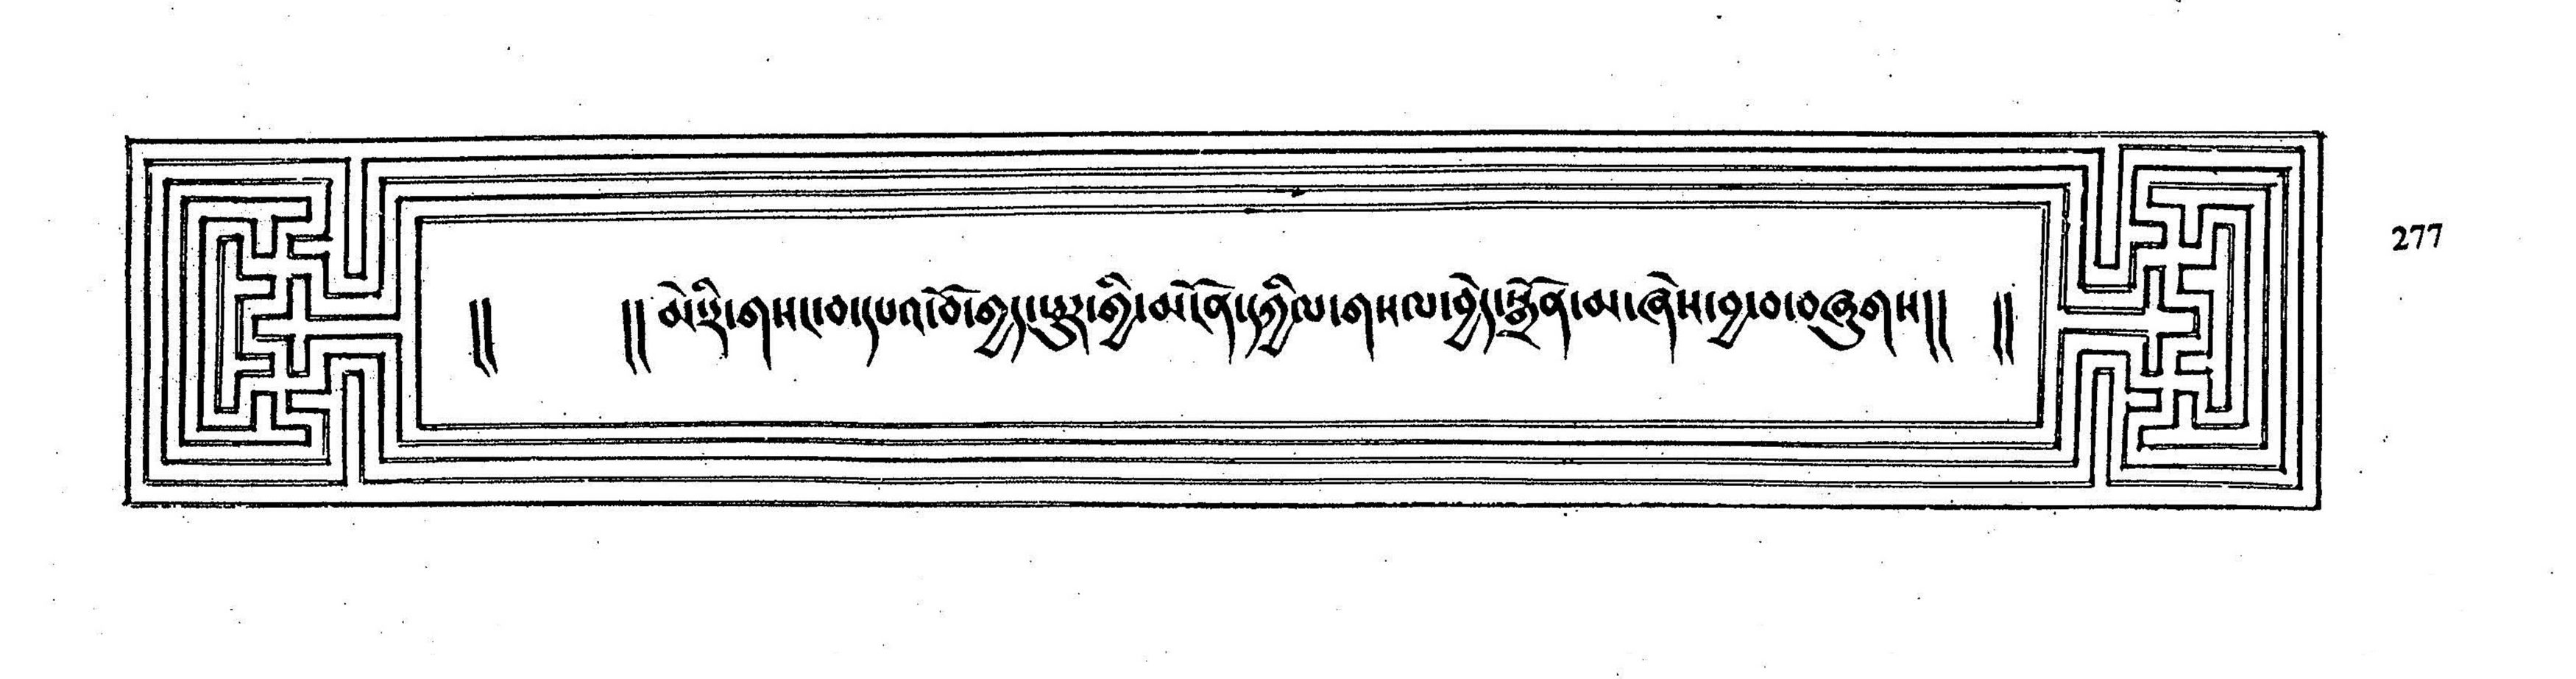མེ་རི་གསང་བ་དཔའ་བོ་གྱད་ཕུར་གྱི་མངོན་དཀྱིལ་གསལ་བྱེད་སྒྲོན་མ་ཞེས་བྱ་བ་བཞུགས།།